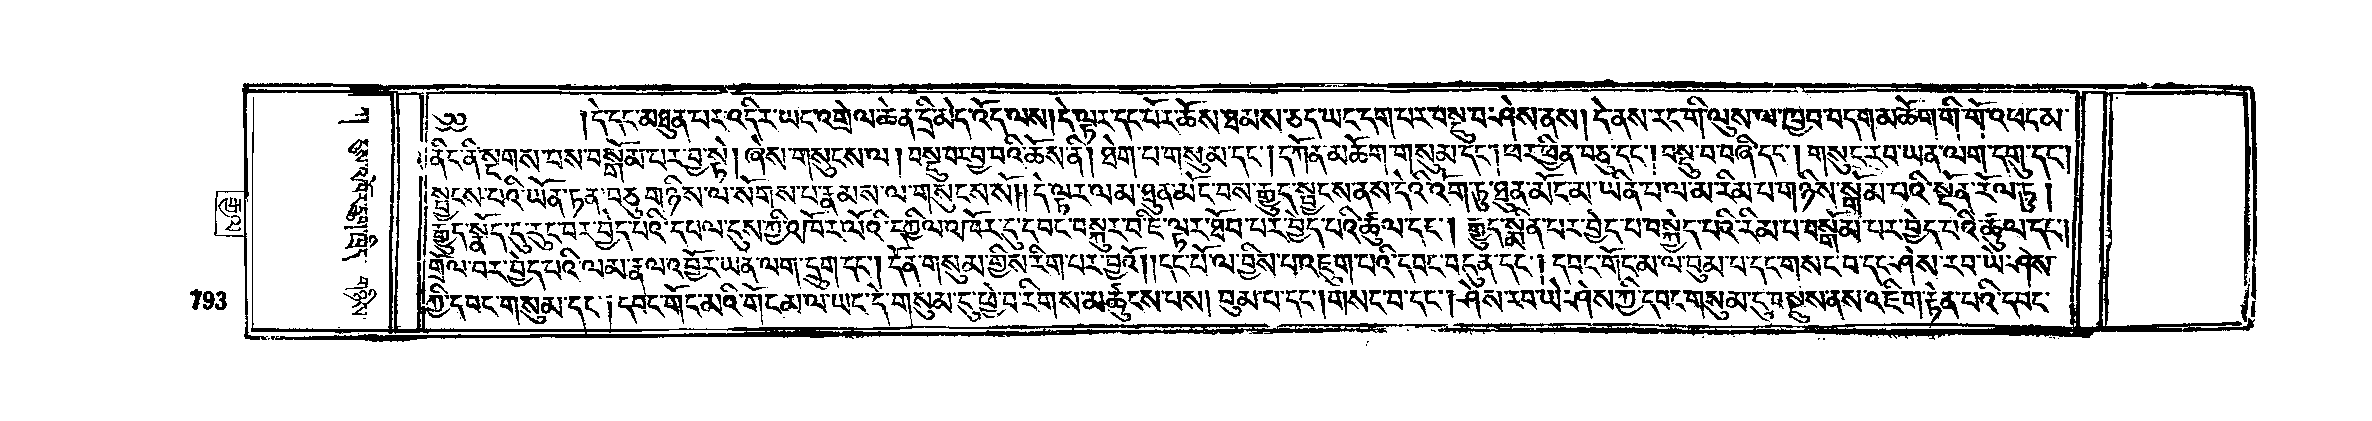༄༅། །དེ་དང་མཐུན་པར་འདིར་ཡང་འགྲེལ་ཆེན་དྲི་མེད་འོད་ལས། དེ་ལྟར་དང་པོར་ཆོས་ཐམས་ཅད་ཡང་དག་པར་བསྡུ་བ་ཤེས་ནས། དེ་ནས་རང་གི་ལུས་ལ་ཁྱབ་བདག་མཆོག་གི་གོ་འཕང་མ་
ནིང་ནི་སྔགས་པས་བསྒོམ་པར་བྱ་སྟེ། ཞེས་གསུངས་ལ། བསྡུ་བར་བྱ་བའི་ཆོས་ནི། ཐེག་པ་གསུམ་དང་། དཀོན་མཆོག་གསུམ་དང་། ཕར་ཕྱིན་བཅུ་དང་། བསྡུ་བ་བཞི་དང་། གསུང་རབ་ཡན་ལག་དགུ་དང་།
སྦྱངས་པའི་ཡོན་ཏན་བཅུ་གཉིས་ལ་སོགས་པ་རྣམས་ལ་གསུངས་སོ། །དེ་ལྟར་ལམ་ཐུན་མོང་བས་རྒྱུད་སྦྱངས་ནས་དེའི་འོག་ཏུ་ཐུན་མོང་མ་ཡིན་པ་ལ་མ་རིམ་པ་གཉིས་སྒོམ་པའི་སྔོན་རོལ་ཏུ།
རྒྱུད་སྣོད་དུ་རུང་བར་བྱེད་པའི་དཔལ་དུས་ཀྱི་འཁོར་ལོའི་དཀྱིལ་འཁོར་དུ་དབང་བསྐུར་བ་ཇི་ལྟར་ཐོབ་པར་བྱེད་པའི་ཚུལ་དང་། རྒྱུད་སྨིན་པར་བྱེད་པ་བསྐྱེད་པའི་རིམ་པ་བསྒོམ་པར་བྱེད་པའི་ཚུལ་དང་།
གྲོལ་བར་བྱེད་པའི་ལམ་རྣལ་འབྱོར་ཡན་ལག་དྲུག་དང་། དོན་གསུམ་གྱིས་རིག་པར་བྱའོ། །དང་པོ་ལ་བྱིས་པ་འཇུག་པའི་དབང་བདུན་དང་། དབང་གོང་མ་ལ་བུམ་པ་དང་གསང་བ་དང་ཤེས་རབ་ཡེ་ཤེས་
ཀྱི་དབང་གསུམ་དང་། དབང་གོང་མའི་གོང་མ་ལ་ཡང་དེ་གསུམ་དུ་ཕྱེ་བ་རིགས་མཚུངས་པས། བུམ་པ་དང་། གསང་བ་དང་། ཤེས་རབ་ཡེ་ཤེས་ཀྱི་དབང་གསུམ་དུ་བསྡུས་ནས་འཇིག་རྟེན་པའི་དབང་